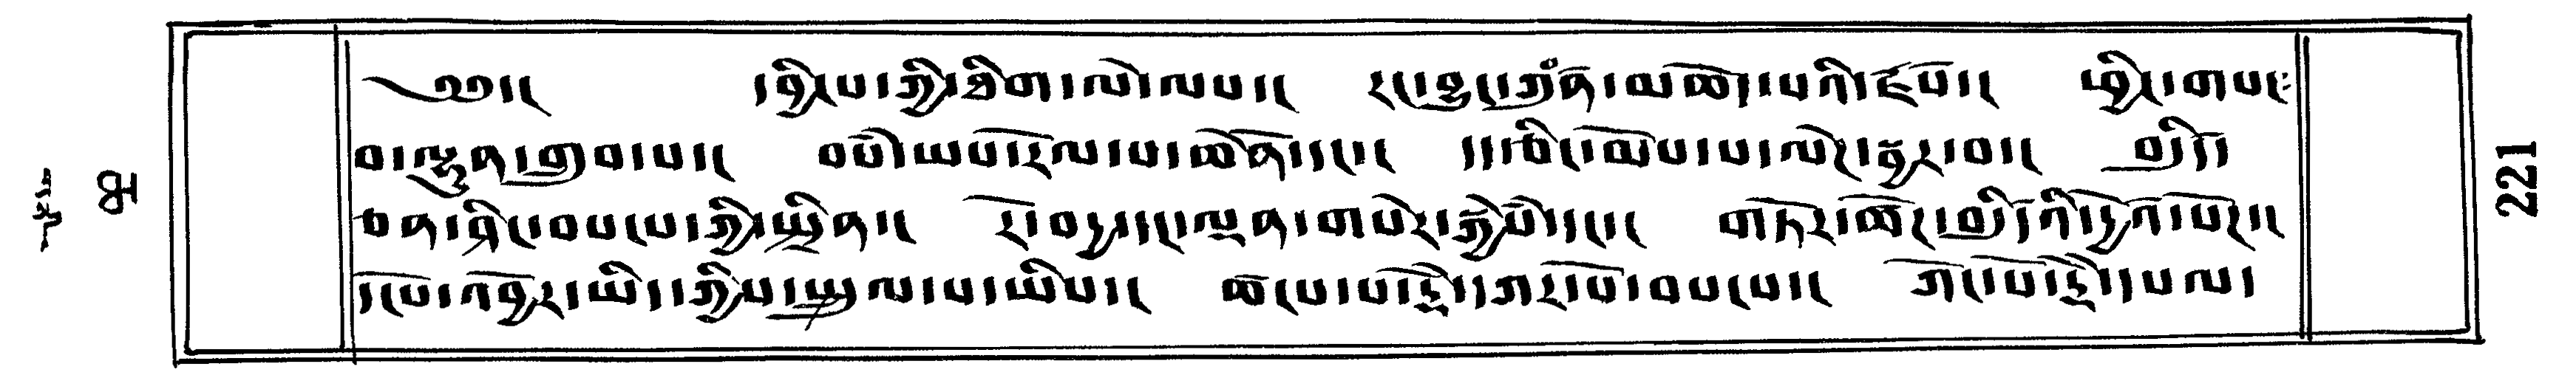དབྱིངས་ཀྱི་ཐིག་ལེ་ལས། །རང་བྱུང་ཀུན་བཟང་མཆོད་པའི་རྫས། །ཕྱི་ནང་གསང་
བ་ལྷུན་གྲུབ་པ། །བསམ་ཡས་རོལ་པ་ཆེན་པོ་དང་། །དད་ཅིང་མོས་པས་ལེགས་སྦྱར་བ། །བདུད་རྩི་
ཅན་ཤིང་བསངས་ཀྱི་སྤྲིན། །རོ་བརྒྱ་དང་ལྡན་གསེར་སྐྱེམས་དང་། །གཏོར་ཚོགས་བདུད་རྩིའི་རྒྱ་མཚོ་སོགས། །
དངོས་འབྱོར་ཡིད་ཀྱིས་སྤྲུལ་པ་ཡིས། །ཚངས་པ་རྡོ་རྗེ་དཀར་པོ་བསངས། །ཀོང་པོ་རྡོ་རྗེ་དཔལ་